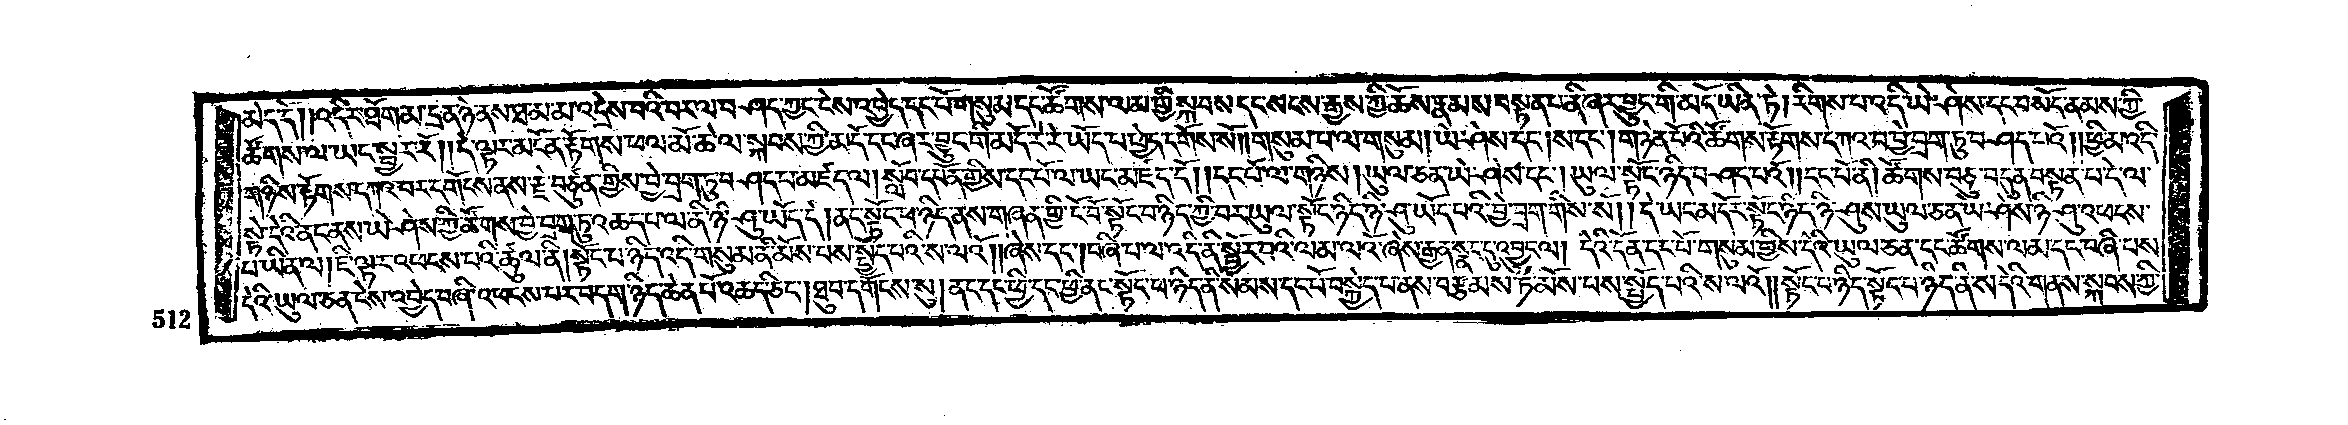མེད་དོ། །འདིར་ཐོག་མ་དྲན་ཉེ་ནས་ཐ་མ་མ་འདྲེས་པའི་བར་ལ་བཤད་ཀྱང་ངེས་འབྱེད་དང་པོ་གསུམ་དང་ཚོགས་ལམ་གྱི་སྐབས་དང་སངས་རྒྱས་ཀྱི་ཆོས་རྣམས་བསྟན་པ་ནི་ཞར་བྱུང་གི་མདོ་ཡིན་ཏེ། རིགས་པ་འདི་ཡེ་ཤེས་དང་བསོད་ནམས་ཀྱི་
ཚོགས་ལ་ཡང་སྦྱར་རོ། །དེ་ལྟར་མངོན་རྟོགས་ཕལ་མོ་ཆེ་ལ་སྐབས་ཀྱི་མདོ་དང་ཞར་བྱུང་གི་མདོ་རེ་རེ་ཡོད་པ་ཕྱེད་དགོས་སོ། །གསུམ་པ་ལ་གསུམ། ཡེ་ཤེས་དང་། ས་དང་། གཉེན་པོའི་ཚོགས་རྟོགས་དཀའ་བ་བྱེ་བྲག་ཏུ་བཤད་པའོ། །ཕྱི་མ་འདི་
གཉིས་རྟོགས་དཀའ་བར་དགོངས་ནས་རྗེ་བཙུན་གྱིས་བྱེ་བྲག་ཏུ་བཤད་པ་མཛད་ལ། སློབ་དཔོན་གྱིས་དང་པོ་ལ་ཡང་མཛད་དོ། །དང་པོ་ལ་གཉིས། ཡུལ་ཅན་ཡེ་ཤེས་དང་། ཡུལ་སྟོང་ཉིད་བཤད་པའོ། །དང་པོ་ནི། ཚོགས་བཅུ་བདུན་བསྟན་པ་དེ་ལ་
སྟེ་དེའི་ནང་ནས་ཡེ་ཤེས་ཀྱི་ཚོགས་བྱེ་བྲག་ཏུ་འཆད་པ་ལ་ནི་ཉི་ཤུ་ཡོད་དེ། ནང་སྟོང་པ་ཉིད་ནས་གཞན་གྱི་ངོ་བོ་སྟོང་པ་ཉིད་ཀྱི་བར་ཡུལ་སྟོང་ཉིད་ཉི་ཤུ་ཡོད་པའི་བྱེ་བྲག་གིས་སོ། །དེ་ཡང་མདོར་སྟོང་ཉིད་ཉི་ཤུས་ཡུལ་ཅན་ཡེ་ཤེས་ཉི་ཤུ་འཕངས་
པ་ཡིན་ལ། ཇི་ལྟར་འཕངས་པའི་ཚུལ་ནི། སྟོང་པ་ཉིད་འདི་གསུམ་ནི་མོས་པས་སྤྱོད་པའི་ས་ལའོ། །ཞེས་དང་། བཞི་པ་ལ་འདི་ནི་སྦྱོར་བའི་ལམ་ལའོ་ཞེས་རྒྱན་སྣང་དུ་འབྱུང་ལ། དེའི་དོན་དང་པོ་གསུམ་གྱིས་དེའི་ཡུལ་ཅན་དང་ཚོགས་ལམ་དང་བཞི་པས་
དེའི་ཡུལ་ཅན་ངེས་འབྱེད་བཞི་འཕངས་པར་བདག་ཉིད་ཆེན་པོ་འཆད་ཅིང་། ཐུབ་དགོངས་སུ། ནང་དང་ཕྱི་དང་ཕྱི་ནང་སྟོང་པ་ཉིད་ནི་སེམས་དང་པོ་བསྐྱེད་པ་ནས་བརྩམས་ཏེ་མོས་པས་སྤྱོད་པའི་ས་ལའོ། །སྟོང་པ་ཉིད་སྟོང་པ་ཉིད་ནི་ས་དེའི་གནས་སྐབས་ཀྱི་